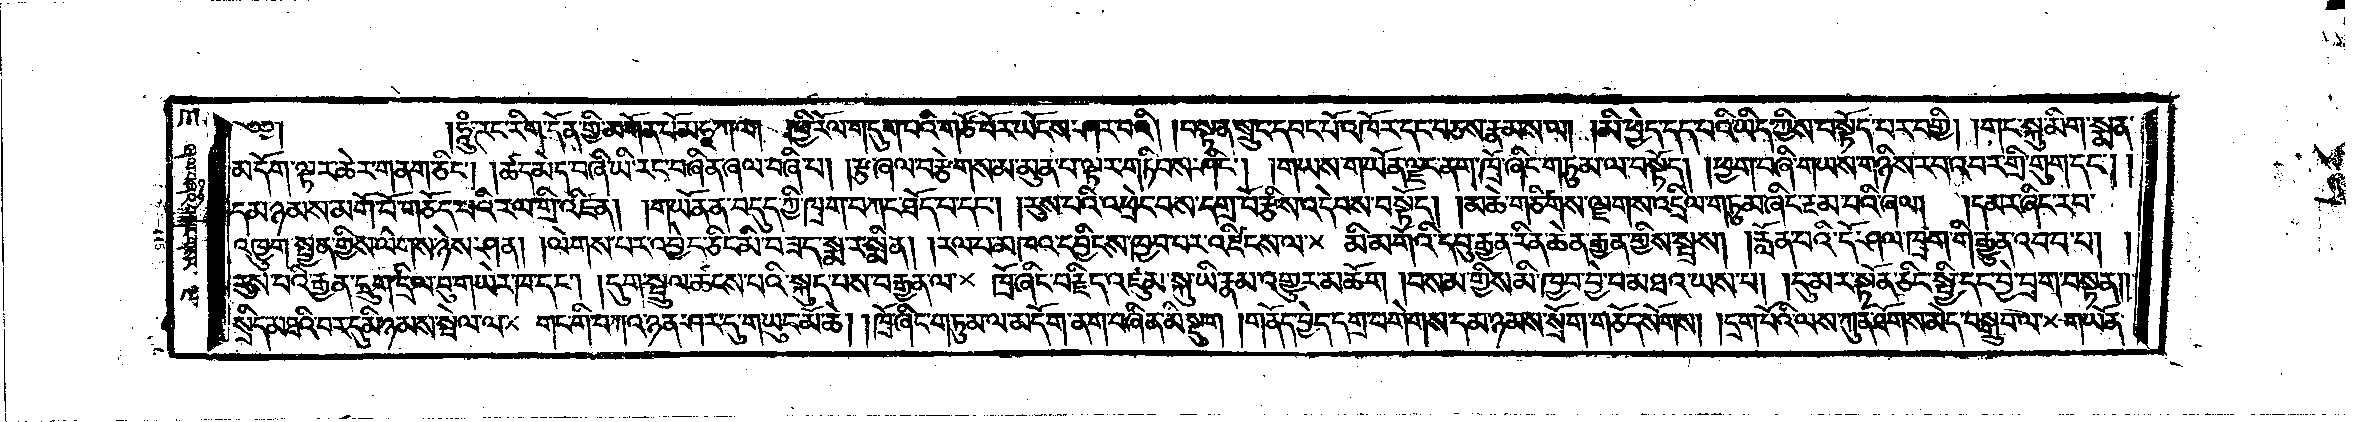༄༅། །ཧཱུཾ༑ རང་རིག་དོན་གྱི་མགོན་པོ་མཧཱ་ཀ་ལ། །ཕྱི་རོལ་གདུག་པའི་གཙོ་བོར་ཡོངས་ཤར་བའི། །བསྟན་སྲུང་དབང་པོ་འཁོར་དང་བཅས་རྣམས་ལ། །མི་ཕྱེད་དད་པའི་ཡིད་ཀྱིས་བསྟོད་པར་བགྱི། །གང་སྐུ་མིག་སྨན་
མདོག་ལྟར་ཆེར་གནག་ཅིང་། །ཚད་མེད་བཞི་ཡི་རང་བཞིན་ཞལ་བཞི་པ། །རྩ་ཞལ་བརྩེགས་མ་མུན་པ་ལྟར་གཏིབས་ཤིང་། །གཡས་གཡོན་ལྗང་ནག་ཁྲོ་ཞིང་གཏུམ་ལ་བསྟོད། །ཕྱག་བཞི་གཡས་གཉིས་རབ་འབར་གྲི་གུག་དང།།
དམ་ཉམས་མགོ་བོ་གཅོད་པའི་རལ་གྲི་འཛིན། །གཡོན་ན་བདུད་ཀྱི་ཁྲག་བཀང་ཐོད་པ་དང་། །རུས་པའི་འཕྲེང་བས་དགྲ་བོ་རྩིས་འདེབས་བསྟོད། །མཆེ་གཙིགས་ལྔགས་འདྲིལ་གཏུམ་ཞིང་རྔ་མ་པའི་ཞལ། །དམར་ཞིང་རབ་
འཁྱུག་སྤྱན་གྱིས་ལེགས་ཉེས་ཤན། །ལེགས་པར་འབྱེད་ཅིང་མི་བཟད་སྨྲ་སྨིན། །རལ་པ་མཁའ་དབྱིངས་ཁྱབ་པར་འཛིངས་ལ་྾་མི་མགོའི་དབུ་རྒྱན་རིན་ཆེན་རྒྱན་གྱིས་སྤྲས། །རློན་པའི་དོ་ཤལ་ཁྲག་གི་རྒྱུན་འབབ་པ། །
རུས་པའི་རྒྱན་དྲུག་དྲིལ་བུ་གཡེར་ཁ་དང་། །དུག་སྤྲུལ་ཚངས་པའི་སྐུད་པས་བརྒྱན་ལ་྾་ཁྲོ་ཞིང་བརྗིད་འཛུམ་སྐུ་ཡི་རྣམ་འགྱུར་མཆོག །བསམ་གྱིས་མི་ཁྱབ་བྱེ་བ་མཐའ་ཡས་པ། །དུ་མར་སྟོན་ཅིང་སྤྱི་དང་བྱེ་བྲག་བསྟན།།
སྲིད་མཐའི་བར་དུ་མི་ཉམས་སྤེལ་ལ་྾་གང་གི་བཀའ་ཉན་ཤར་དུ་གཡུང་མོ་ཆེ། །ཁྲོ་ཞིང་གཏུམ་ལ་མདོག་ནག་བཞིན་མི་སྡུག །གནོད་བྱེད་དགྲ་བགེགས་དམ་ཉམས་སྲོག་གཅོད་སོགས། །དྲག་པོའི་ལས་ཀུན་ཐོགས་མེད་བསྒྲུབ་ལ་྾་གཡོན་